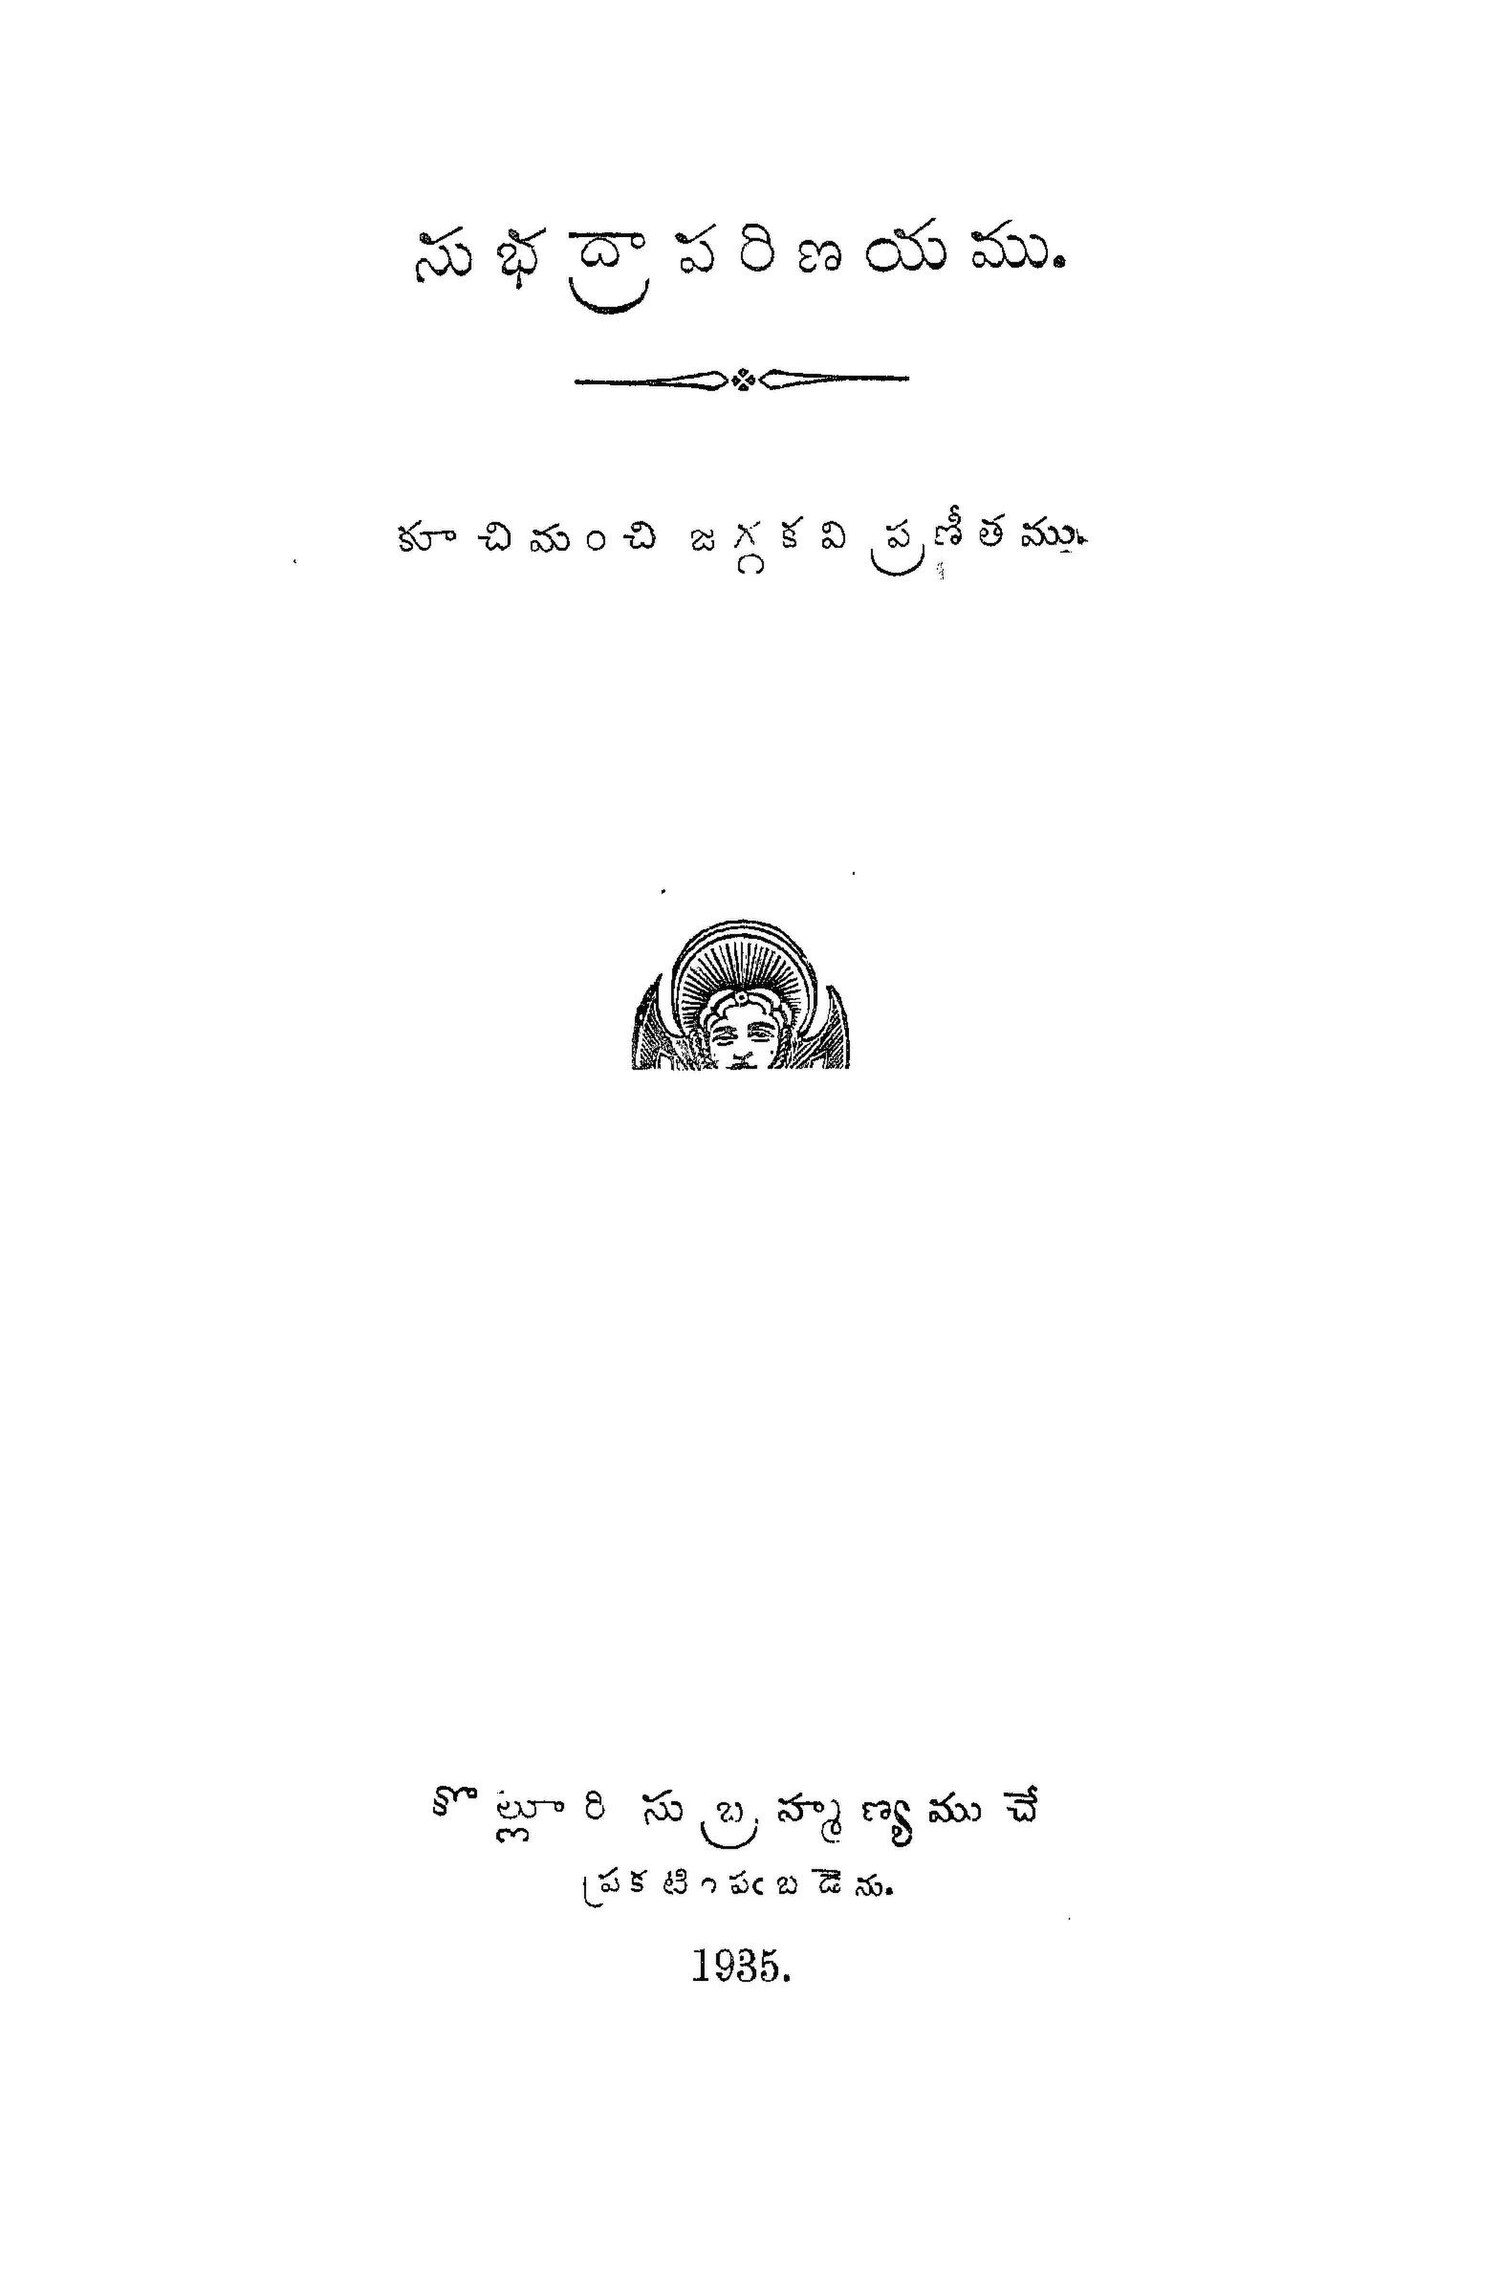సుభద్రాపరిణయము

కూచిమంచి జగ్గకవిప్రణీతము